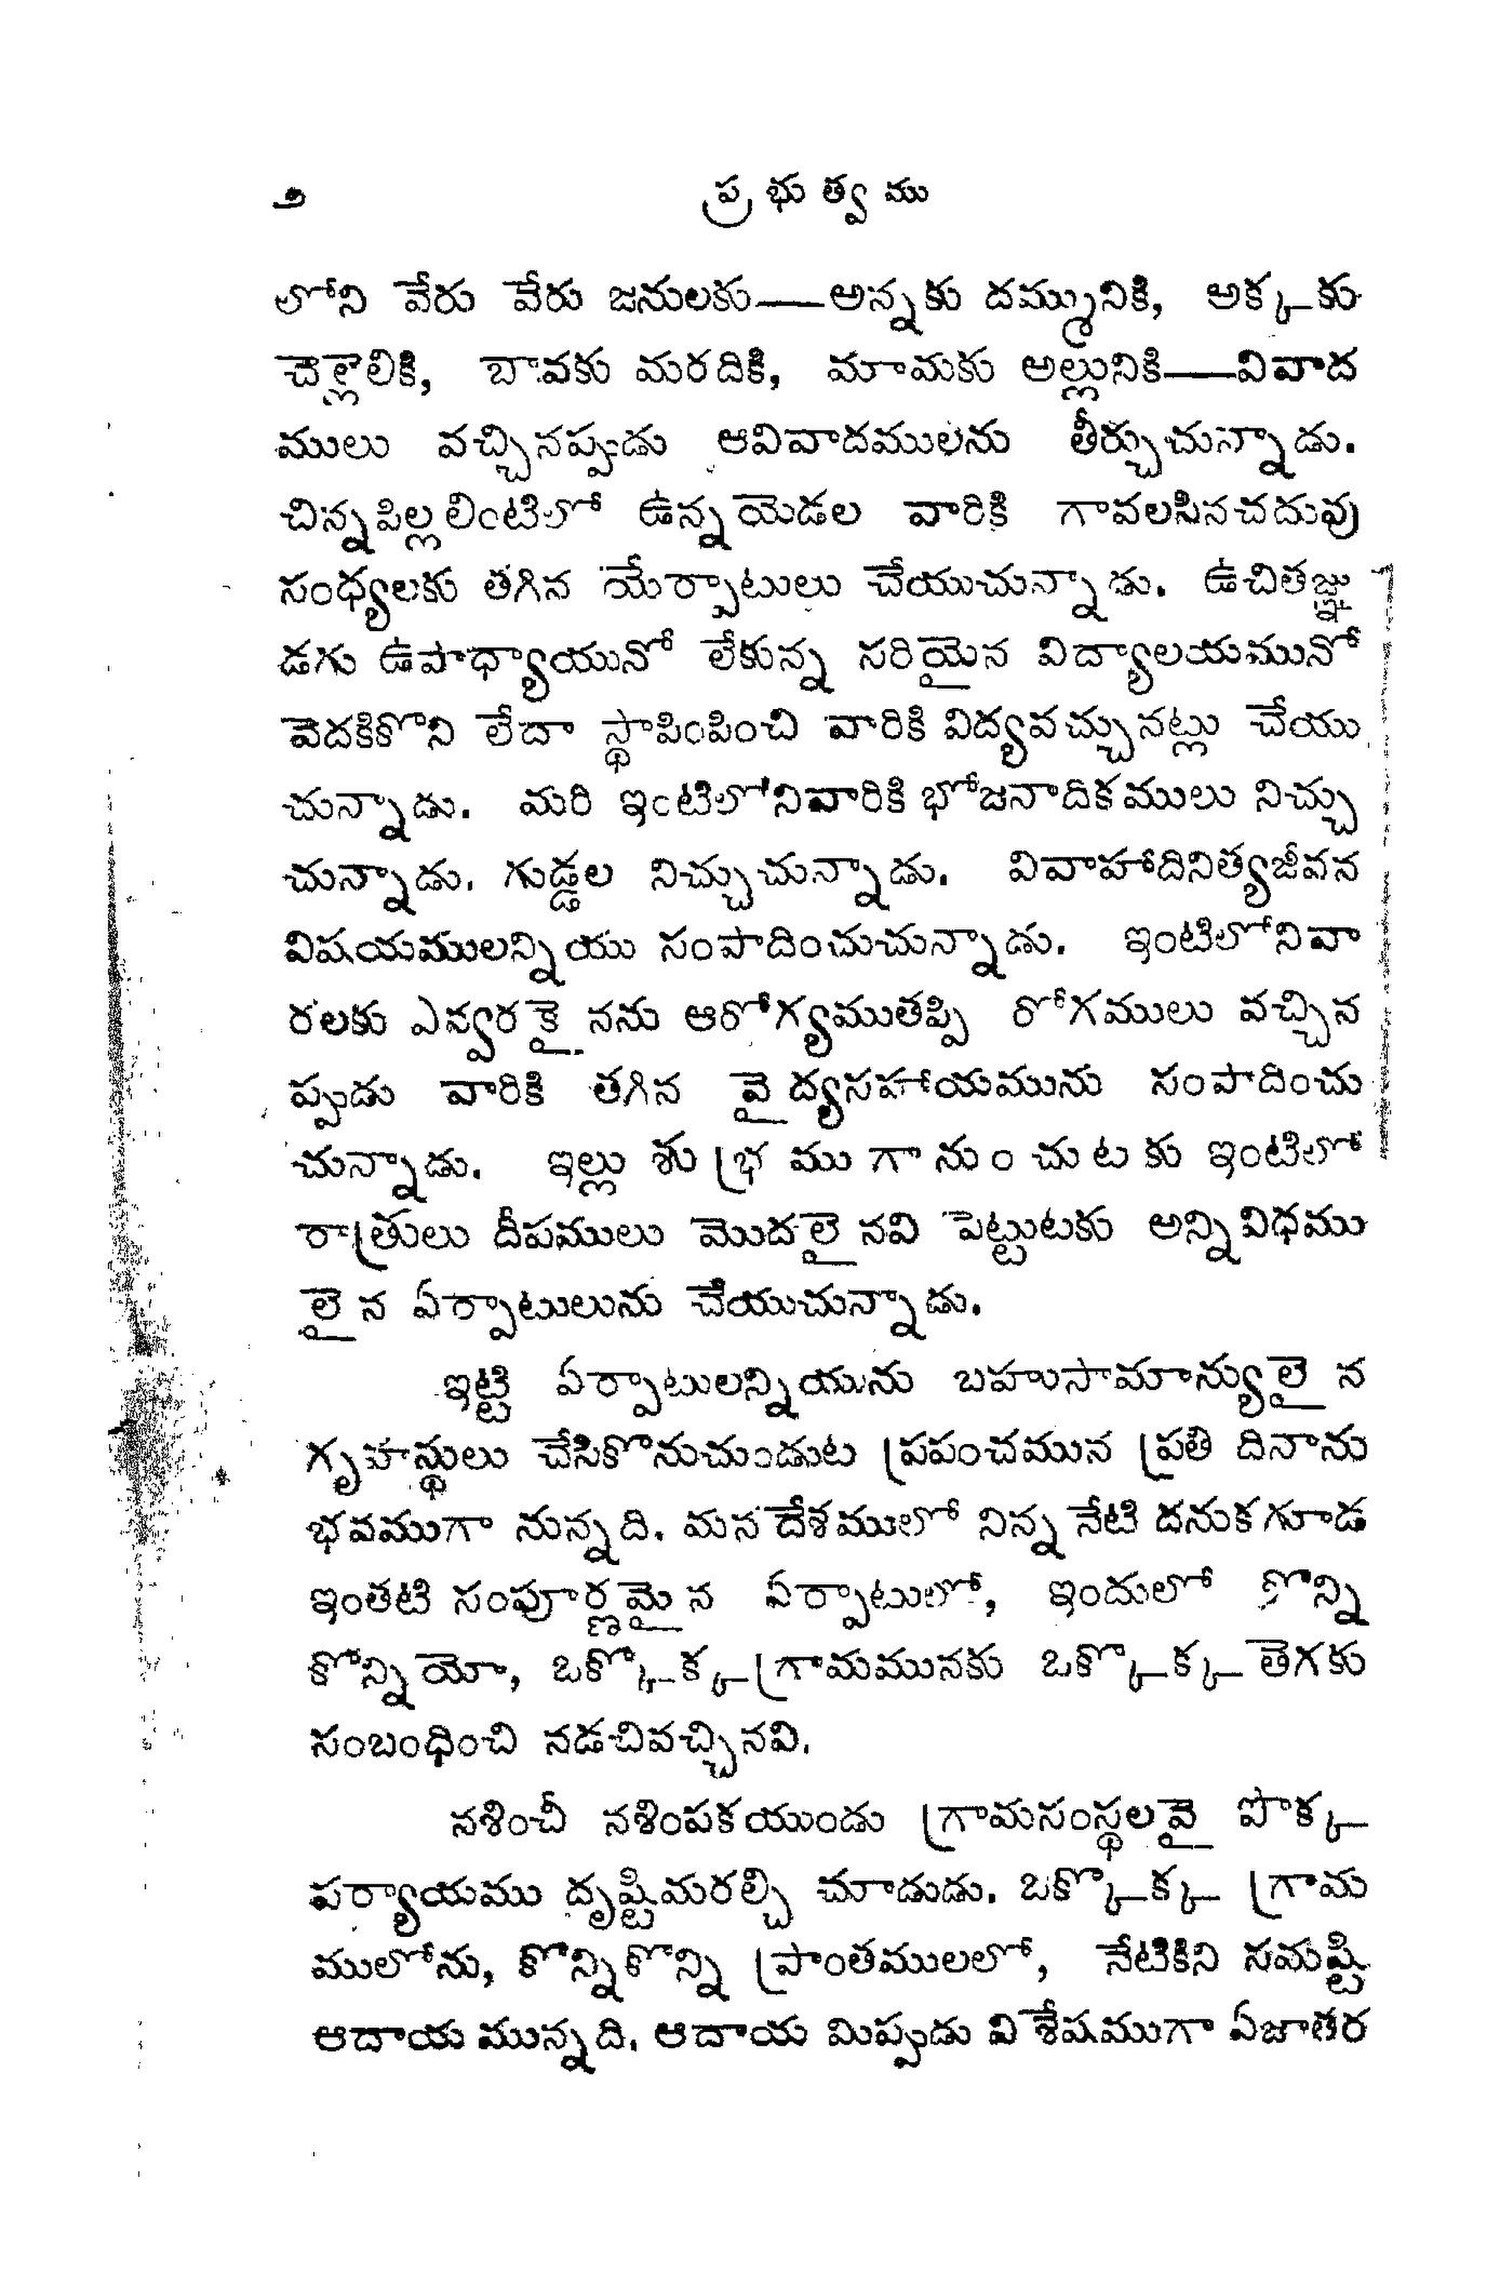లోని వేరు వేరు జనులకు – అన్నకు దమ్మునికి, అక్కకు చెల్లెలికి, బావకు మరదికి, మామకు అల్లునికి—వివాదములు వచ్చినప్పుడు ఆవివాదములను తీర్చుచున్నాడు. చిన్నపిల్లలింటిలో ఉన్నయెడల వారికి గావలసినచదువు సంధ్యలకు తగిన యేర్పాటులు చేయుచున్నాడు. ఉచితజ్ఞుడగు ఉపాధ్యాయునో లేకున్న సరియైన విద్యాలయమునో వెదకికొని లేదా స్థాపింపించి వారికి విద్యవచ్చునట్లు చేయు చున్నాడు. మరి ఇంటిలోనివారికి భోజనాదికములు నిచ్చుచున్నాడు. గుడ్డల నిచ్చుచున్నాడు. వివాహాదినిత్యజీవన విషయములన్నియు సంపాదించుచున్నాడు. ఇంటిలోనివారలకు ఎవ్వరకై నను ఆరోగ్యముతప్పి రోగములు వచ్చినప్పుడు వారికి తగిన వైద్యసహాయమును సంపాదించు చున్నాడు. ఇల్లు శుభ్రముగా నుంచుటకు ఇంటిలో రాత్రులు దీపములు మొదలైనవి పెట్టుటకు అన్నివిధములైన ఏర్పాటులును చేయుచున్నాడు.

ఇట్టి ఏర్పాటులన్నియును బహుసామాన్యులైన గృహస్థులు చేసికొనుచుండుట ప్రపంచమున ప్రతి దినానుభవముగా నున్నది. మనదేశములో నిన్ననేటి దనుకగూడ ఇంతటి సంపూర్ణమైన ఏర్పాటులో, ఇందులో కొన్ని కొన్నియో, ఒక్కొక్క గ్రామమునకు ఒక్కొక్క తెగకు సంబంధించి నడచివచ్చినవి.

నశించీ నశింపకయుండు గ్రామసంస్థలవై పొక్క పర్యాయము దృష్టిమరల్చి చూడుడు, ఒక్కొక్క గ్రామములోను, కొన్నికొన్ని ప్రాంతములలో, నేటికిని సమష్టి ఆదాయమున్నది. ఆదాయ మిప్పుడు
విశేషముగా ఏజాతర